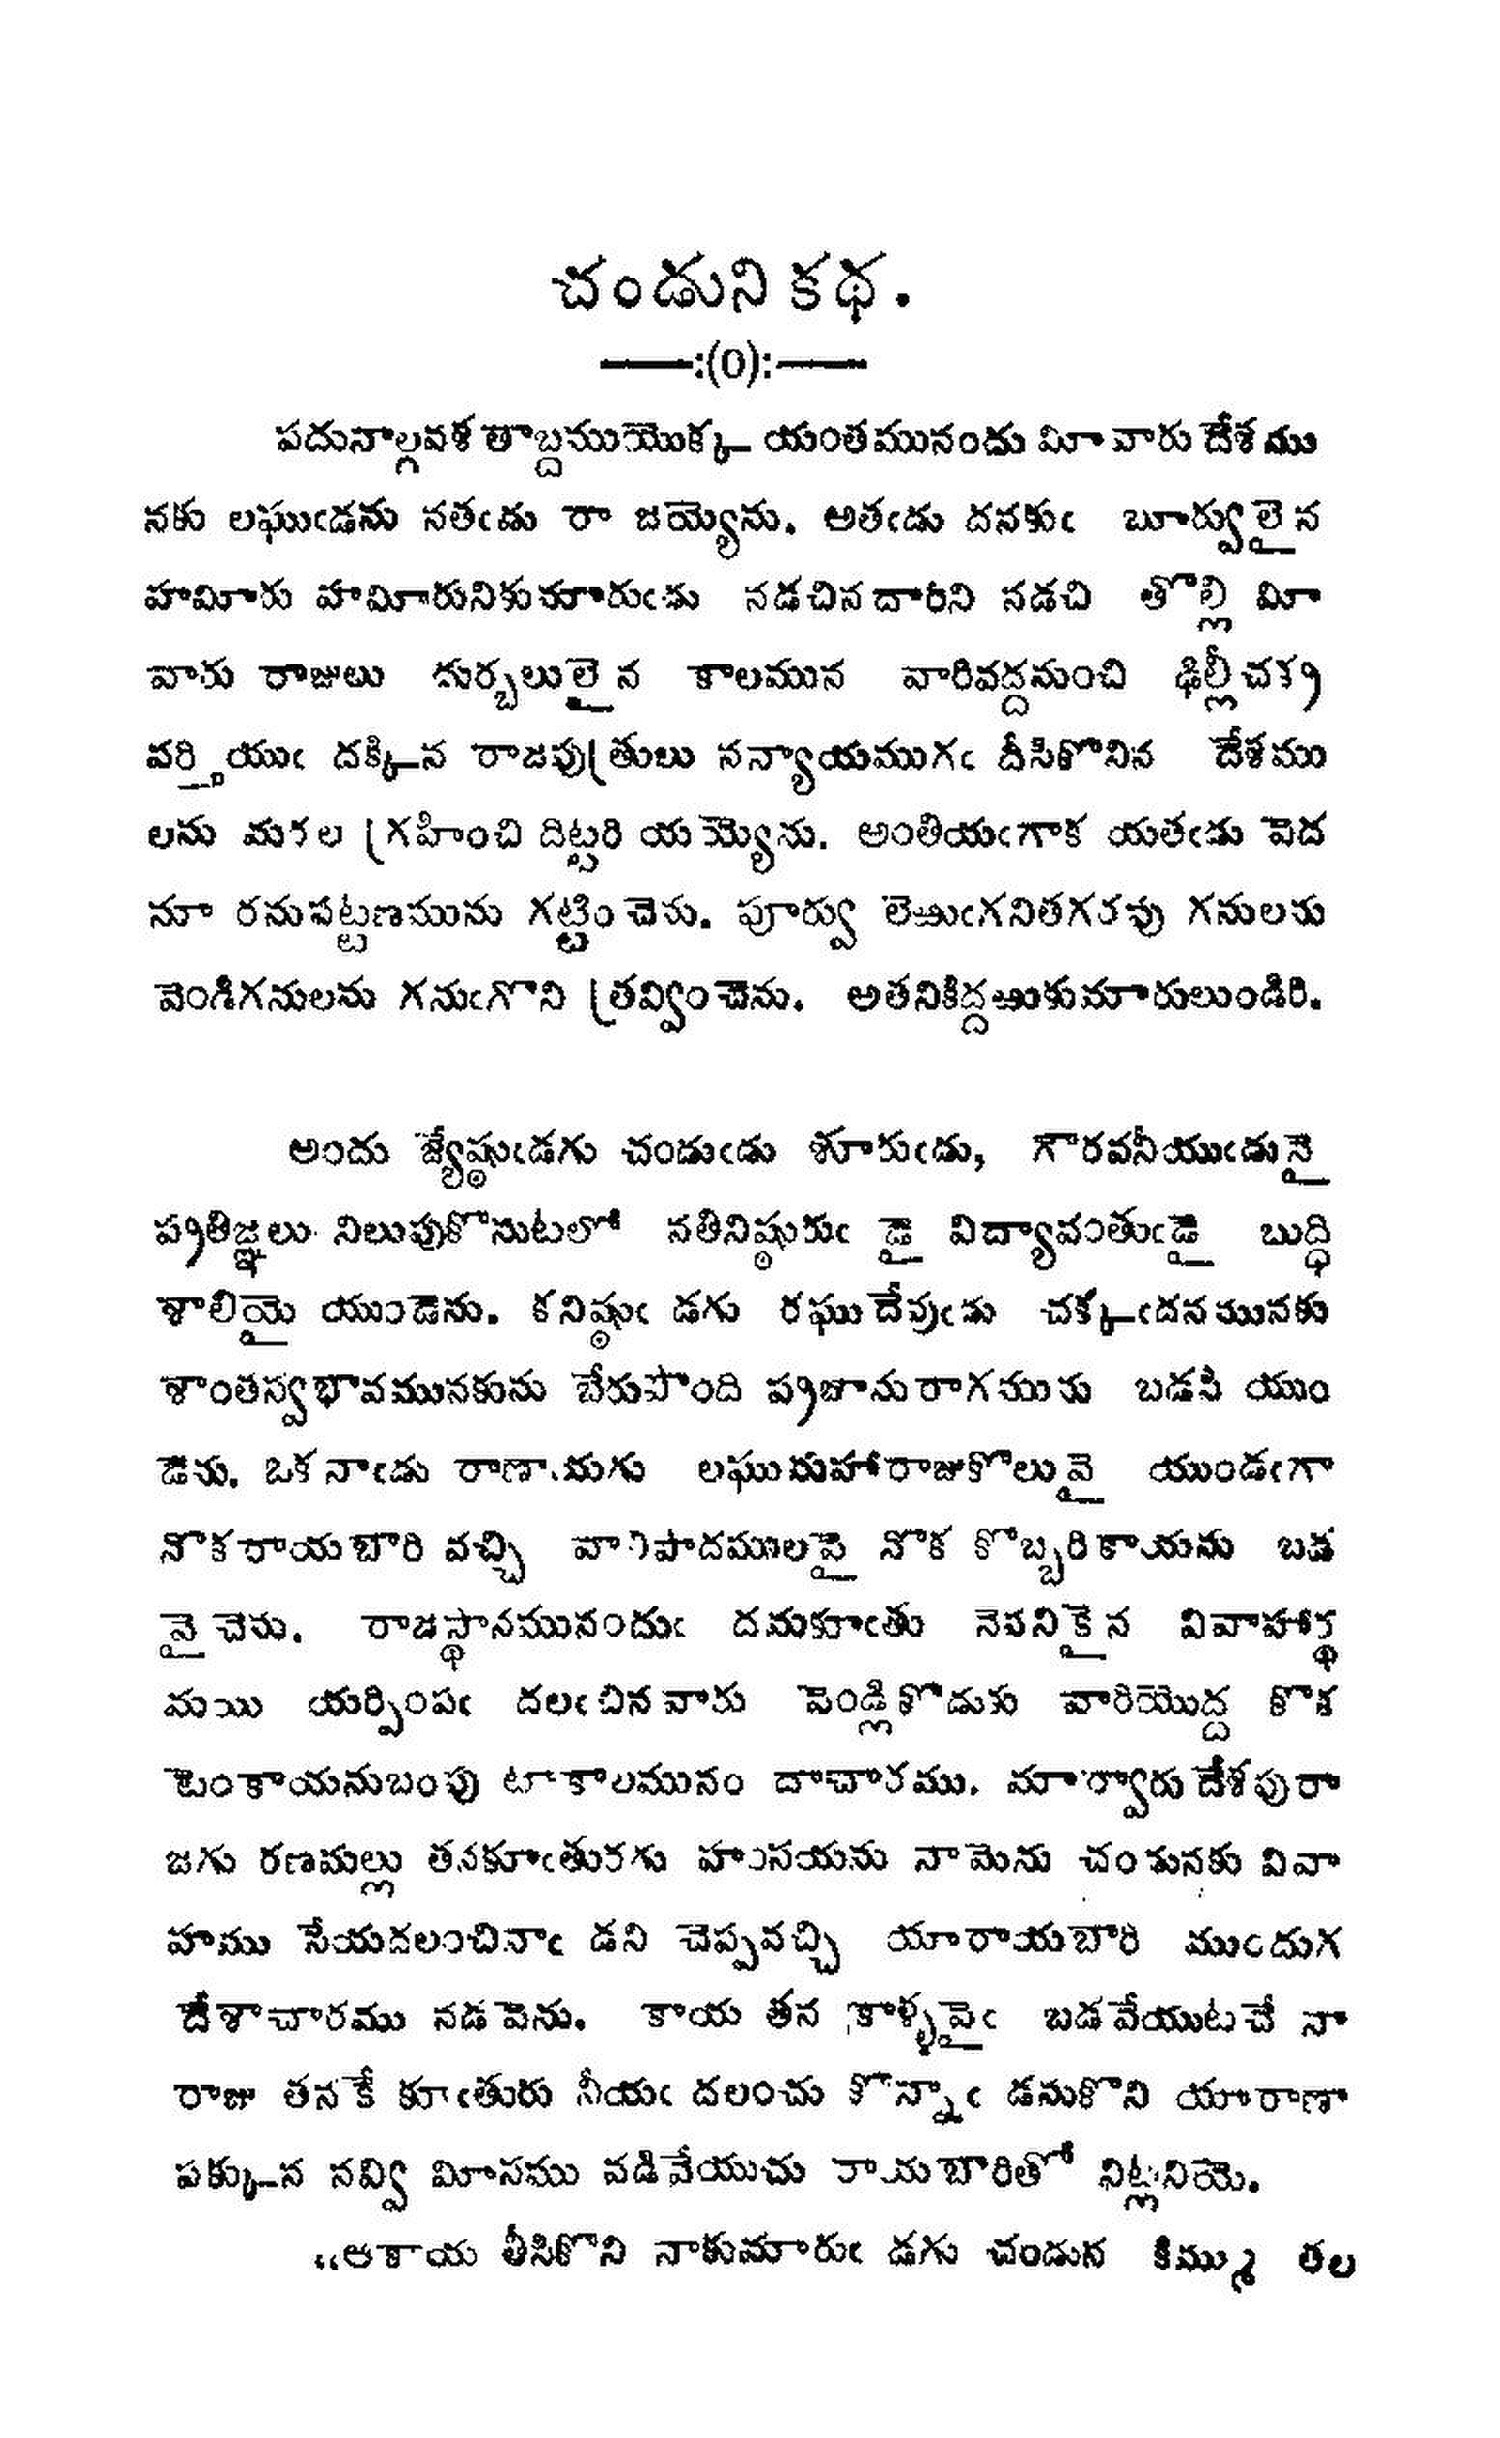చండుని కథ.

పదునాల్గవశతాబ్దము యొక్క యంతమునందు మీవారు దేశమునకు లఘుఁడను నతఁడు రాజయ్యెను. అతఁడు దనకుఁ బూర్వులైన హమీరు హమారునికుమారుఁడు నడచిన దారిని నడచి తొల్లి మీవారు రాజులు దుర్బలులైన కాలమున వారి వద్ద నుంచి ఢిల్లీ చక్రవర్తియుఁ దక్కిన రాజపుత్రులు నన్యాయముగఁ దీసికొనిన దేశములను మరల గ్రహించి దిట్టరి యయ్యెను. అంతియఁగాక యతఁడు పెద నూ రను పట్టణమును గట్టించెను. పూర్వు లెఱుఁగనితగరపు గనులకు వెండిగనులను గనుఁగొని త్రవ్వించెను.అతని కిద్దఱు కుమారులుండిరి.

అందు 'జ్యేష్ఠుఁడగు చండుఁడు శూరుఁడు, గౌరవనీయుఁడునై ప్రతిజ్ఞలు నిలుపుకోసుటలో నతినిష్ణురుఁడై విద్యావంతుఁడై బుద్ధిశాలియై యుండెను. కనిష్ఠుఁ డగు రఘుదేవుఁడు చక్కఁదనమునకు శాంతస్వభావమునకును 'బేరుపొంది ప్రజానురాగమును బడసి యుండెను. ఒకనాఁడు రాణాయగు లఘుమహారాజు కొలువై యుండగా
నొక రాయబారి వచ్చి వానిపాదములపై నొక కొబ్బరి కాయను బడవైచెను. రాజస్థానమునందుఁ దమకూఁతు నెవనికైన వివాహార్ధ మయి యర్పింపఁ దలఁచిన వారు పెండ్లికొడుకు వారియొద్ద కొక టెంకాయనుబంపు టాకాలమునం దాచారము, మార్వారు దేశపురాజగు రణమల్లు తనకూఁతురగు హంసయను నామెను చండునకు వివాహము సేయదలంచినాఁ డని చెప్పవచ్చి యారాయబారి ముందుగ దేశాచారము నడవెను. కాయ తన కాళ్ళపైఁ బడ వేయుటచే నా రాజు తనకే కూఁతురు నీయఁ దలంచు కొన్నాఁ డనుకొని యారాణా పక్కున నవ్వి మీసము వడి వేయుచు రాయబారితో నిట్లనియె.

"ఆకాయ తీసికొని నాకుమారుఁ డగు చండున కిమ్ము తల